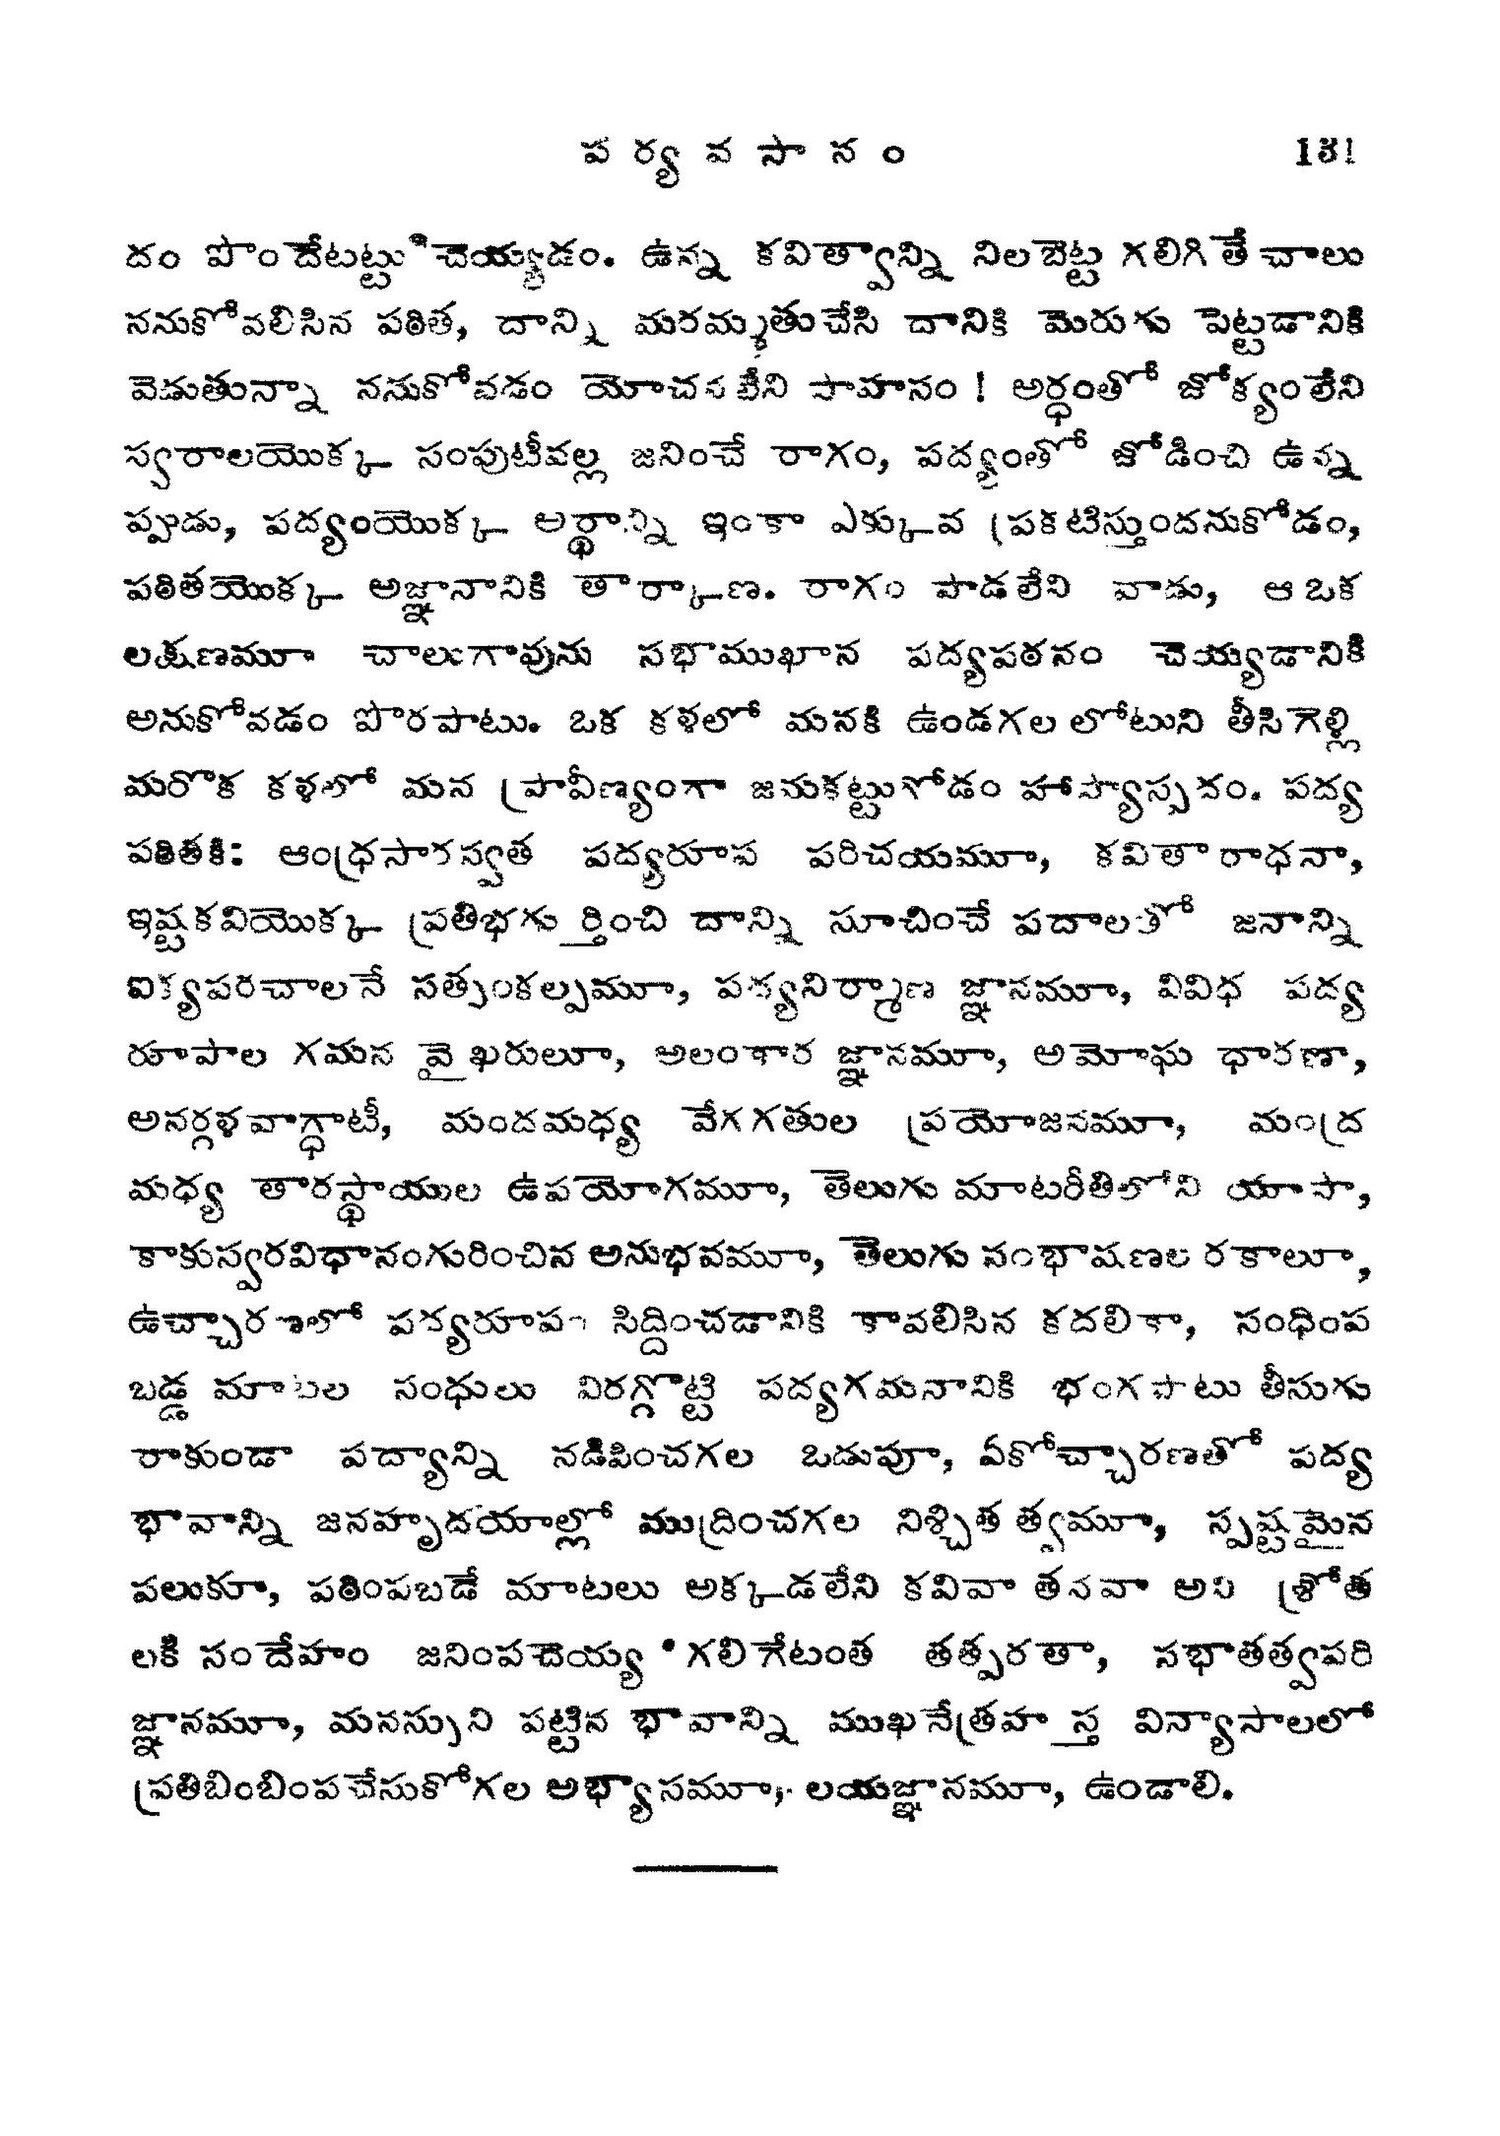దం పొందేటట్టు చెయ్యడం. ఉన్న కవిత్వాన్ని నిలబెట్ట గలిగితే చాలు
ననుకోవలిసిన పఠిత, దాన్ని మరమ్మతుచేసి దానికి మెరుగు పెట్టడానికి
వెడుతున్నా ననుకోవడం యోచనలేని సాహసం ! అర్ధంతో జోక్యంలేని
స్వరాలయొక్క సంపుటీవల్ల జనించే రాగం, పద్యంతో జోడించి ఉన్న
ప్పుడు, పద్యంయొక్క అర్థాన్ని ఇంకా ఎక్కువ ప్రకటిస్తుందనుకోడం,
పఠితయొక్క అజ్ఞానానికి తార్కాణ. రాగం పాడలేని వాడు, ఆ ఒక
లక్షణమూ చాలుగావును సభాముఖాన పద్యపఠనం చెయ్యడానికి
అనుకోవడం పొరపాటు. ఒక కళలో మనకి ఉండగల లోటుని తీసిగెల్లి
మరొక కళలో మన ప్రావీణ్యంగా జమకట్టుగోడం హాస్యాస్పదం. పద్య
పఠితకిః ఆంధ్రసారస్వత పద్యరూప పరిచయమూ, కవితారాధనా,
ఇష్టకవియొక్క ప్రతిభగుర్తించి దాన్ని సూచించే పదాలతో జనాన్ని
ఐక్యపరిచాలనే సత్సంకల్పమూ, పద్యనిర్మాణ జ్ఞానమూ, వివిధ పద్య
రూపాల గమన వైఖరులూ, అలంకార జ్ఞానమూ, అమోఘ ధారణా,
అనర్గళవాగ్ధాటీ, మందమధ్య వేగగతుల ప్రయోజనమూ, మంద్ర
మధ్య తారస్థాయుల ఉపయోగమూ, తెలుగు మాటరీతిలోని యాపా,
కాకుస్వరవిధానంగురించిన అనుభవమూ, తెలుగు సంభాషణల రకాలూ,
ఉచ్చారణలో పద్యరూప సిద్దించడానికి కావలిసిన కదలికా, సంధింప
బడ్డ మాటలు సంధులు విరగ్గొట్టి పద్యగమనానికి భంగపాటు తీసుగు
రాకుండా పద్యాన్ని నడిపించగల ఒడుపూ, ఏకోచ్చారణతో పద్య
భావాన్ని జనహృదయాల్లో ముద్రించగల నిశ్చితత్వమూ, స్పష్టమైన
పలుకూ, పఠింపబడే మాటలు అక్కడలేని కవివా తనవా అని శ్రోత
లకి సందేహం జనింపచెయ్య గలిగేటంత తత్పరతా, సభాతత్వపరి
జ్ఞానమూ, మనస్సుని పట్టిన భావాన్ని ముఖనేత్రహస్త విన్యాసాలలో
ప్రతిబింబింపచేసుకోగల అభ్యాసమూ, లయజ్ఞానమూ, ఉండాలి.